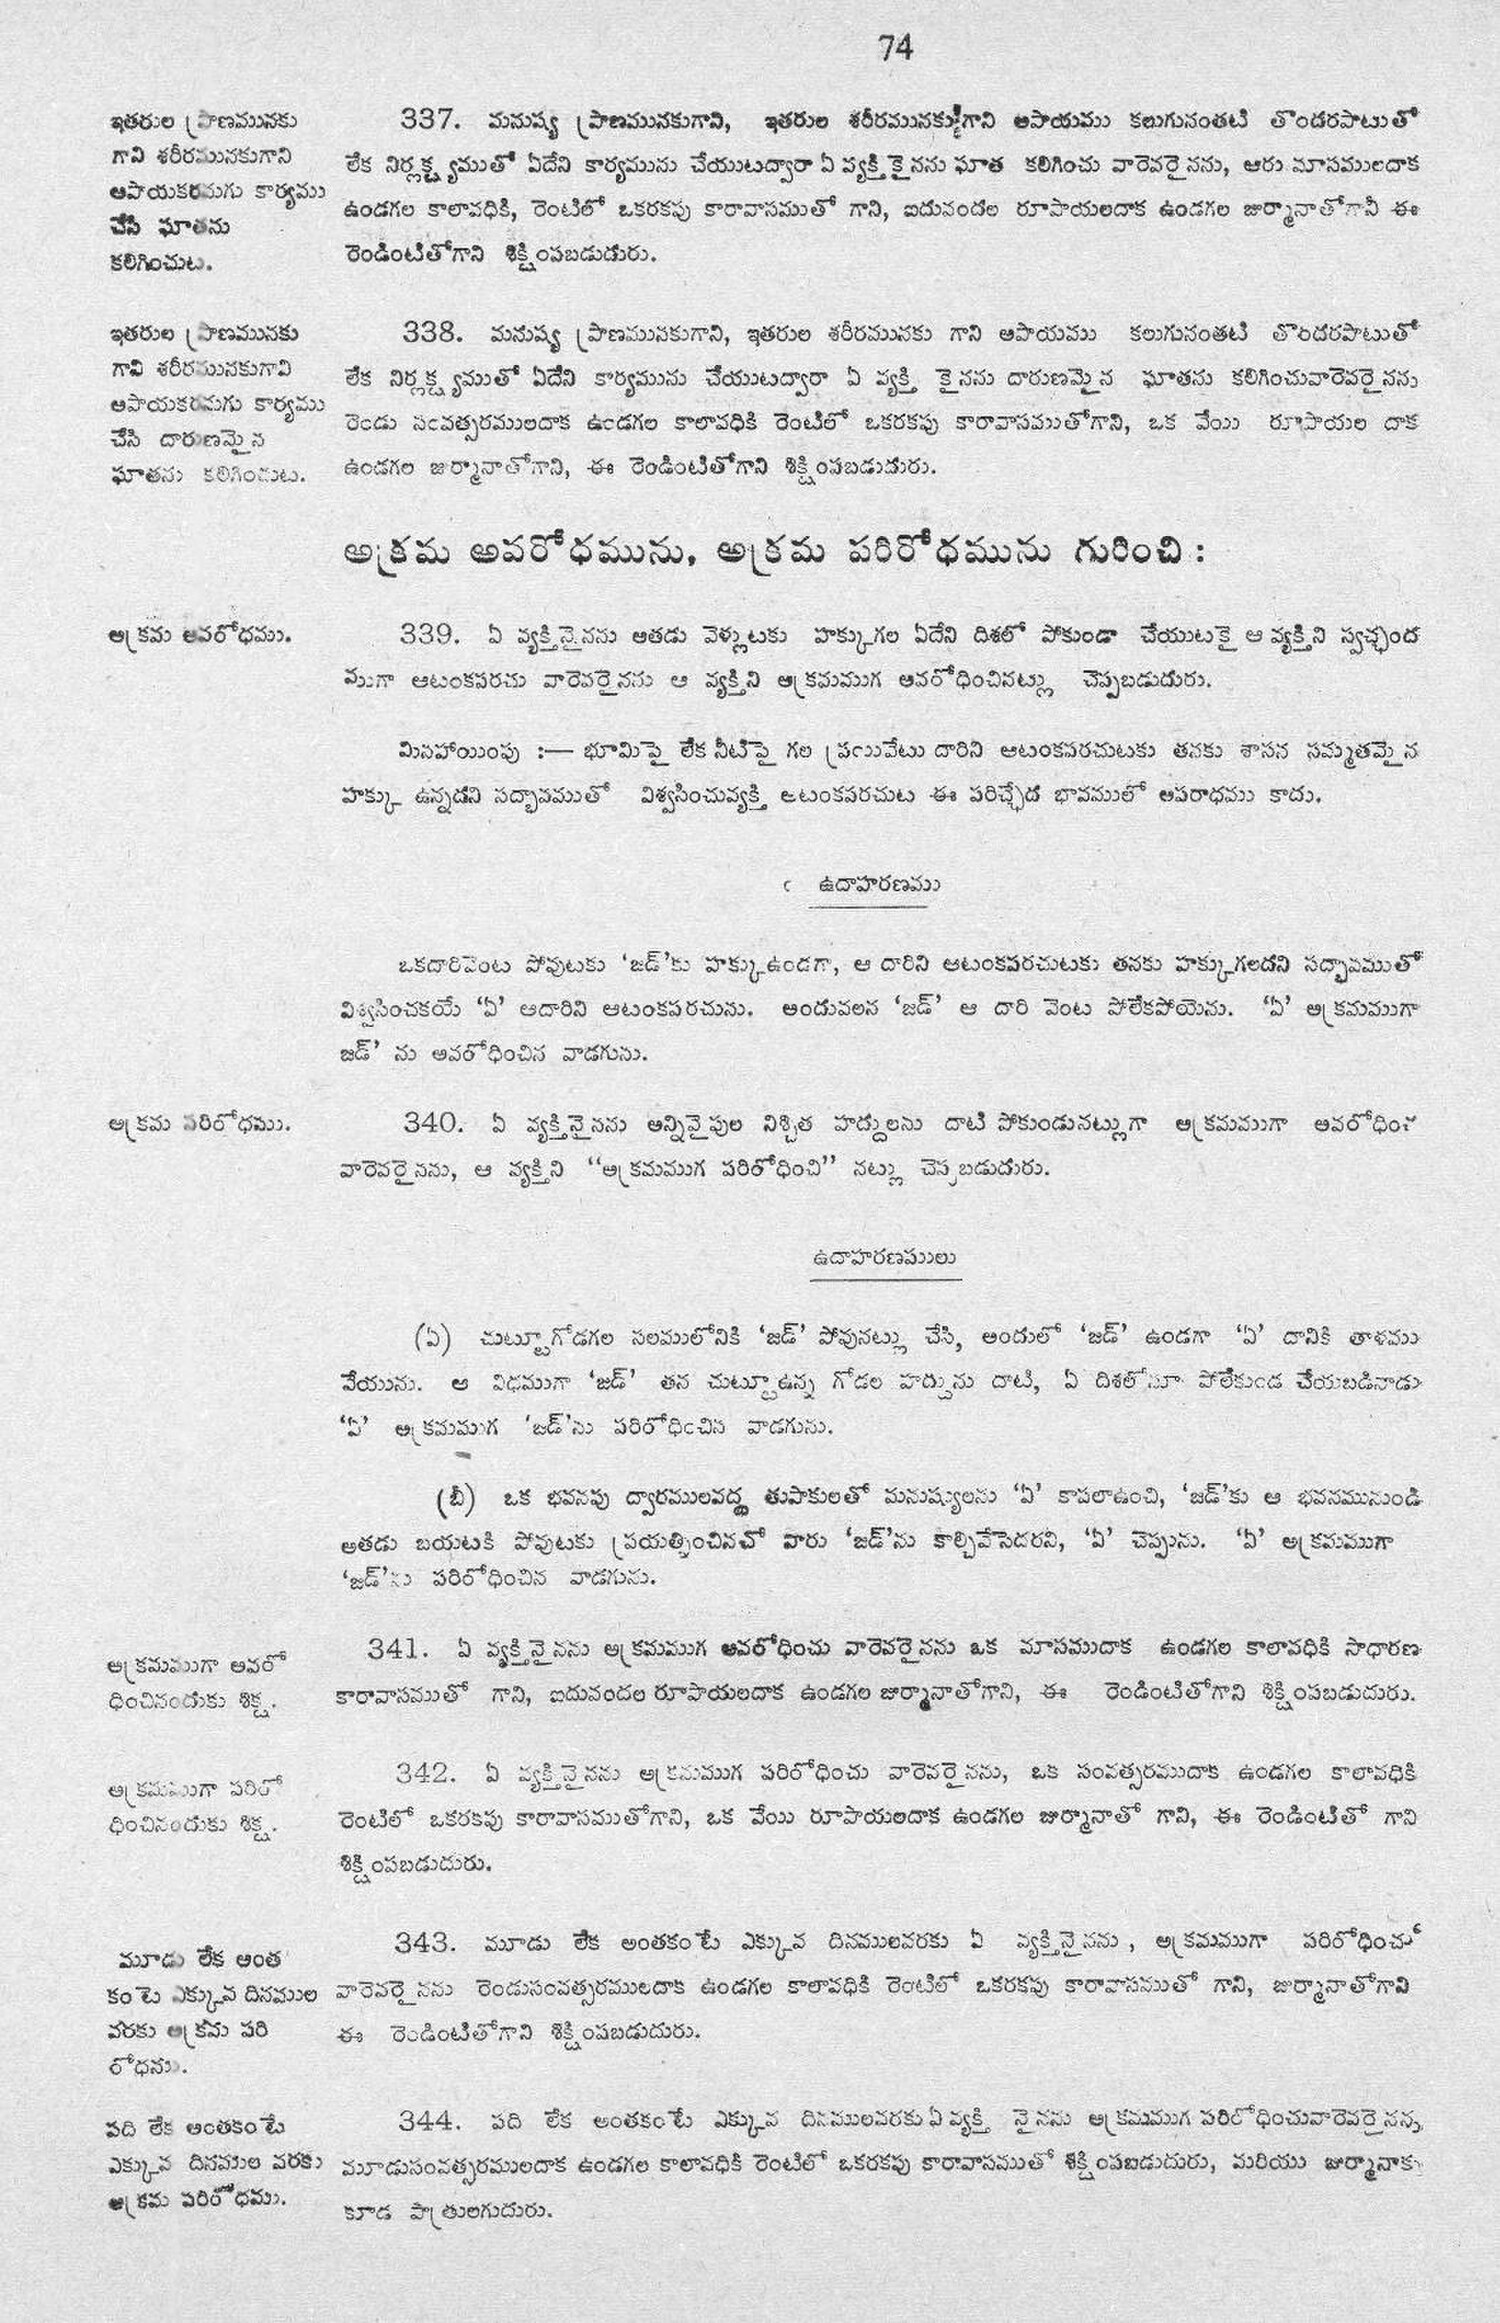ఇతరుల ప్రాణమునకు గాని శరీరమునకుగాని అపాయకరమగు కార్యము చేసి ఘాతను కలిగించుట.

337. మనుష్య ప్రాణమునకుగాని, ఇతరుల శరీరమునకు గాని అపాయము కలుగునంతటి తొందరపాటుతో లేక నిర్లక్ష్యముతో ఏదేని కార్యమును చేయుట ద్వారా ఏ వ్యక్తి కైనను ఘాత కలిగించు వారెవరైనను, ఆరు మాసములదాక ఉండగల కాలావధికి, రెంటిలో ఒకరకపు కారావాసముతో గాని, ఐదువందల రూపాయలదాక ఉండగల జుర్మానాతోగానీ ఈ రెండింటితోగాని శిక్షింపబడుదురు.

ఇతరుల ప్రాణమునకు గాని శరీరమునకుగాని అపాయకరమగు కార్యము చేసి దారుణమైన ఘాతను కలిగించుట.

338. మనుష్య ప్రాణమునకుగాని, ఇతరుల శరీరమునకు గాని ఆపాయము కలుగునంతటి తొందరపాటుతో లేక నిర్లక్ష్యముతో ఏదేని కార్యమును చేయుటద్వారా ఏ వ్యక్తి కైనను దారుణమైన ఘాతను కలిగించువారెవరైనను రెండు సంవత్సరములదాక ఉండగల కాలావధికి రెంటిలో ఒకరకపు కారావాసముతోగాని, ఒక వేయి రూపాయల దాక ఉండగల జర్మానాతోగాని, ఈ రెండింటితోగాని శిక్షింపబడుదురు.

అక్రమ అవరోధము.

339. ఏ వ్యక్తి నైనను అతడు వెళ్లుటకు హక్కుగల ఏదేని దిశలో పోకుండా చేయుటకై ఆ వ్యక్తిని స్వచ్ఛందముగా ఆటంకపరచు వారెవరైనను ఆ వ్యక్తిని ఆక్రమముగ ఆవరోధించినట్లు చెప్పబడుదురు,

మినహాయింపు :- భూమి పై లేక నీటి పై గల ప్రయివేటు దారిని ఆటంకపరచుటకు తనకు శాసన సమ్మతమైన హక్కు ఉన్నదని సద్భావముతో విశ్వసించువ్యక్తి ఆటంకపరచుట ఈ పరిచ్ఛేద భావములో అపరాధము కాదు,

ఒకదారి వెంట పోవుటకు 'జడ్'కు హక్కు ఉండగా, ఆ దారిని ఆటంకపరచుటకు తనకు హక్కుగలదని సద్భావముతో విశ్వసించకయే 'ఏ' ఆదారిని ఆటంకపరచును, అందువలన 'జడ్' ఆ దారి వెంట పోలేకపోయెను. 'ఏ' ఆక్రమముగా 'జడ్' ను ఆవరోధించిన వాడగును.

అక్రమ పరిరోధము.

340. ఏ వ్యక్తి నైనను అన్ని వైపుల నిశ్చిత హద్దులను దాటి పోకుండునట్లుగా ఆక్రమముగా అవరోధించి వారెవరైనను, ఆ వ్యక్తిని “ఆక్రమముగ పరిరోధించి” నట్లు చెప్ప బడుదురు.

(ఏ) చుట్టూ గోడగల స్థలము లోనికి 'జడ్' పోవునట్లు చేసి, అందులో 'జడ్' ఉండగా 'ఏ' దానికి తాళము వేయును. ఆ విధముగా 'జడ్' తన చుట్టూ ఉన్న గోడల హద్దును దాటి, ఏ దిశలోనూ పోలేకుండ చేయబడినాడు."ఏ" అక్రమముగ 'జడ్'ను పరిరోధించిన వాడగును.

(బీ) ఒక భవనపు ద్వారములవద్ద తుపాకులతో మనుష్యులను 'ఏ' కాపలా ఉంచి, 'జడ్'కు ఆ భవనము నుండి అతడు బయటకి పోవుటకు ప్రయత్నించినచో వారు 'జడ్'ను కాల్చివేసెదరని, 'ఏ' చెప్పును. 'ఏ' అక్రమముగా 'జడ్'ను పరిరోధించిన వాడగును.

అక్రమముగా అవరోధించినందుకు శిక్ష

341. ఏ వ్యక్తి నైనను అక్రమముగ అవరోధించు వారెవరైనను ఒక మాసముదాక ఉండగల కాలావధికి సాధారణ కారావాసముతో గాని, ఐదువందల రూపాయలదాక ఉండగల జుర్మానాతోగాని, ఈ రెండింటితోగాని శిక్షింపబడుదురు.

ఆక్రమముగా పరిరోధించినందుకు శిక్ష.

342. ఏ వ్యక్తి నైనను అక్రమముగ పరిరోధించు వారెవరైనను, ఒక సంవత్సరముదాక ఉండగల కాలావధికి రెంటిలో ఒకరకపు కారావాసముతోగాని, ఒక వేయి రూపాయలదాక ఉండగల జూర్మానాతో గాని, ఈ రెండింటితో గాని శిక్షింపబడుదురు.

మూడు లేక అంతకంటె ఎక్కువ దినముల వరకు అక్రమ పరిరోధను.

343. మూడు లేక అంతకంటే ఎక్కువ దినములవరకు ఏ వ్యక్తినైనను , అక్రమముగా పరిరోధించు వారెవరై నను రెండు సంవత్సరములదాక ఉండగల కాలావధికి రెంటిలో ఒకరకపు కారావాసముతో గాని, జుర్మానాతో గాని ఈ రెండింటితోగాని శిక్షింపబడుదురు.

పది లేక అంతకంటే ఎక్కువ దినముల వరకు అక్రమ పరిరోధము.
 

344. పది లేక అంతకంటే ఎక్కువ దినములవరకు ఏ వ్యక్తి నైనను ఆక్రమముగ పరిశోధించు వారెవరైనను మూడు సంవత్సరములదాక ఉండగల కాలావధికి రెంటిలో ఒకరకపు కారావాసముతో శిక్షింపబడుదురు, మరియు జుర్మానాకు కూడ పాత్రులగుదురు.